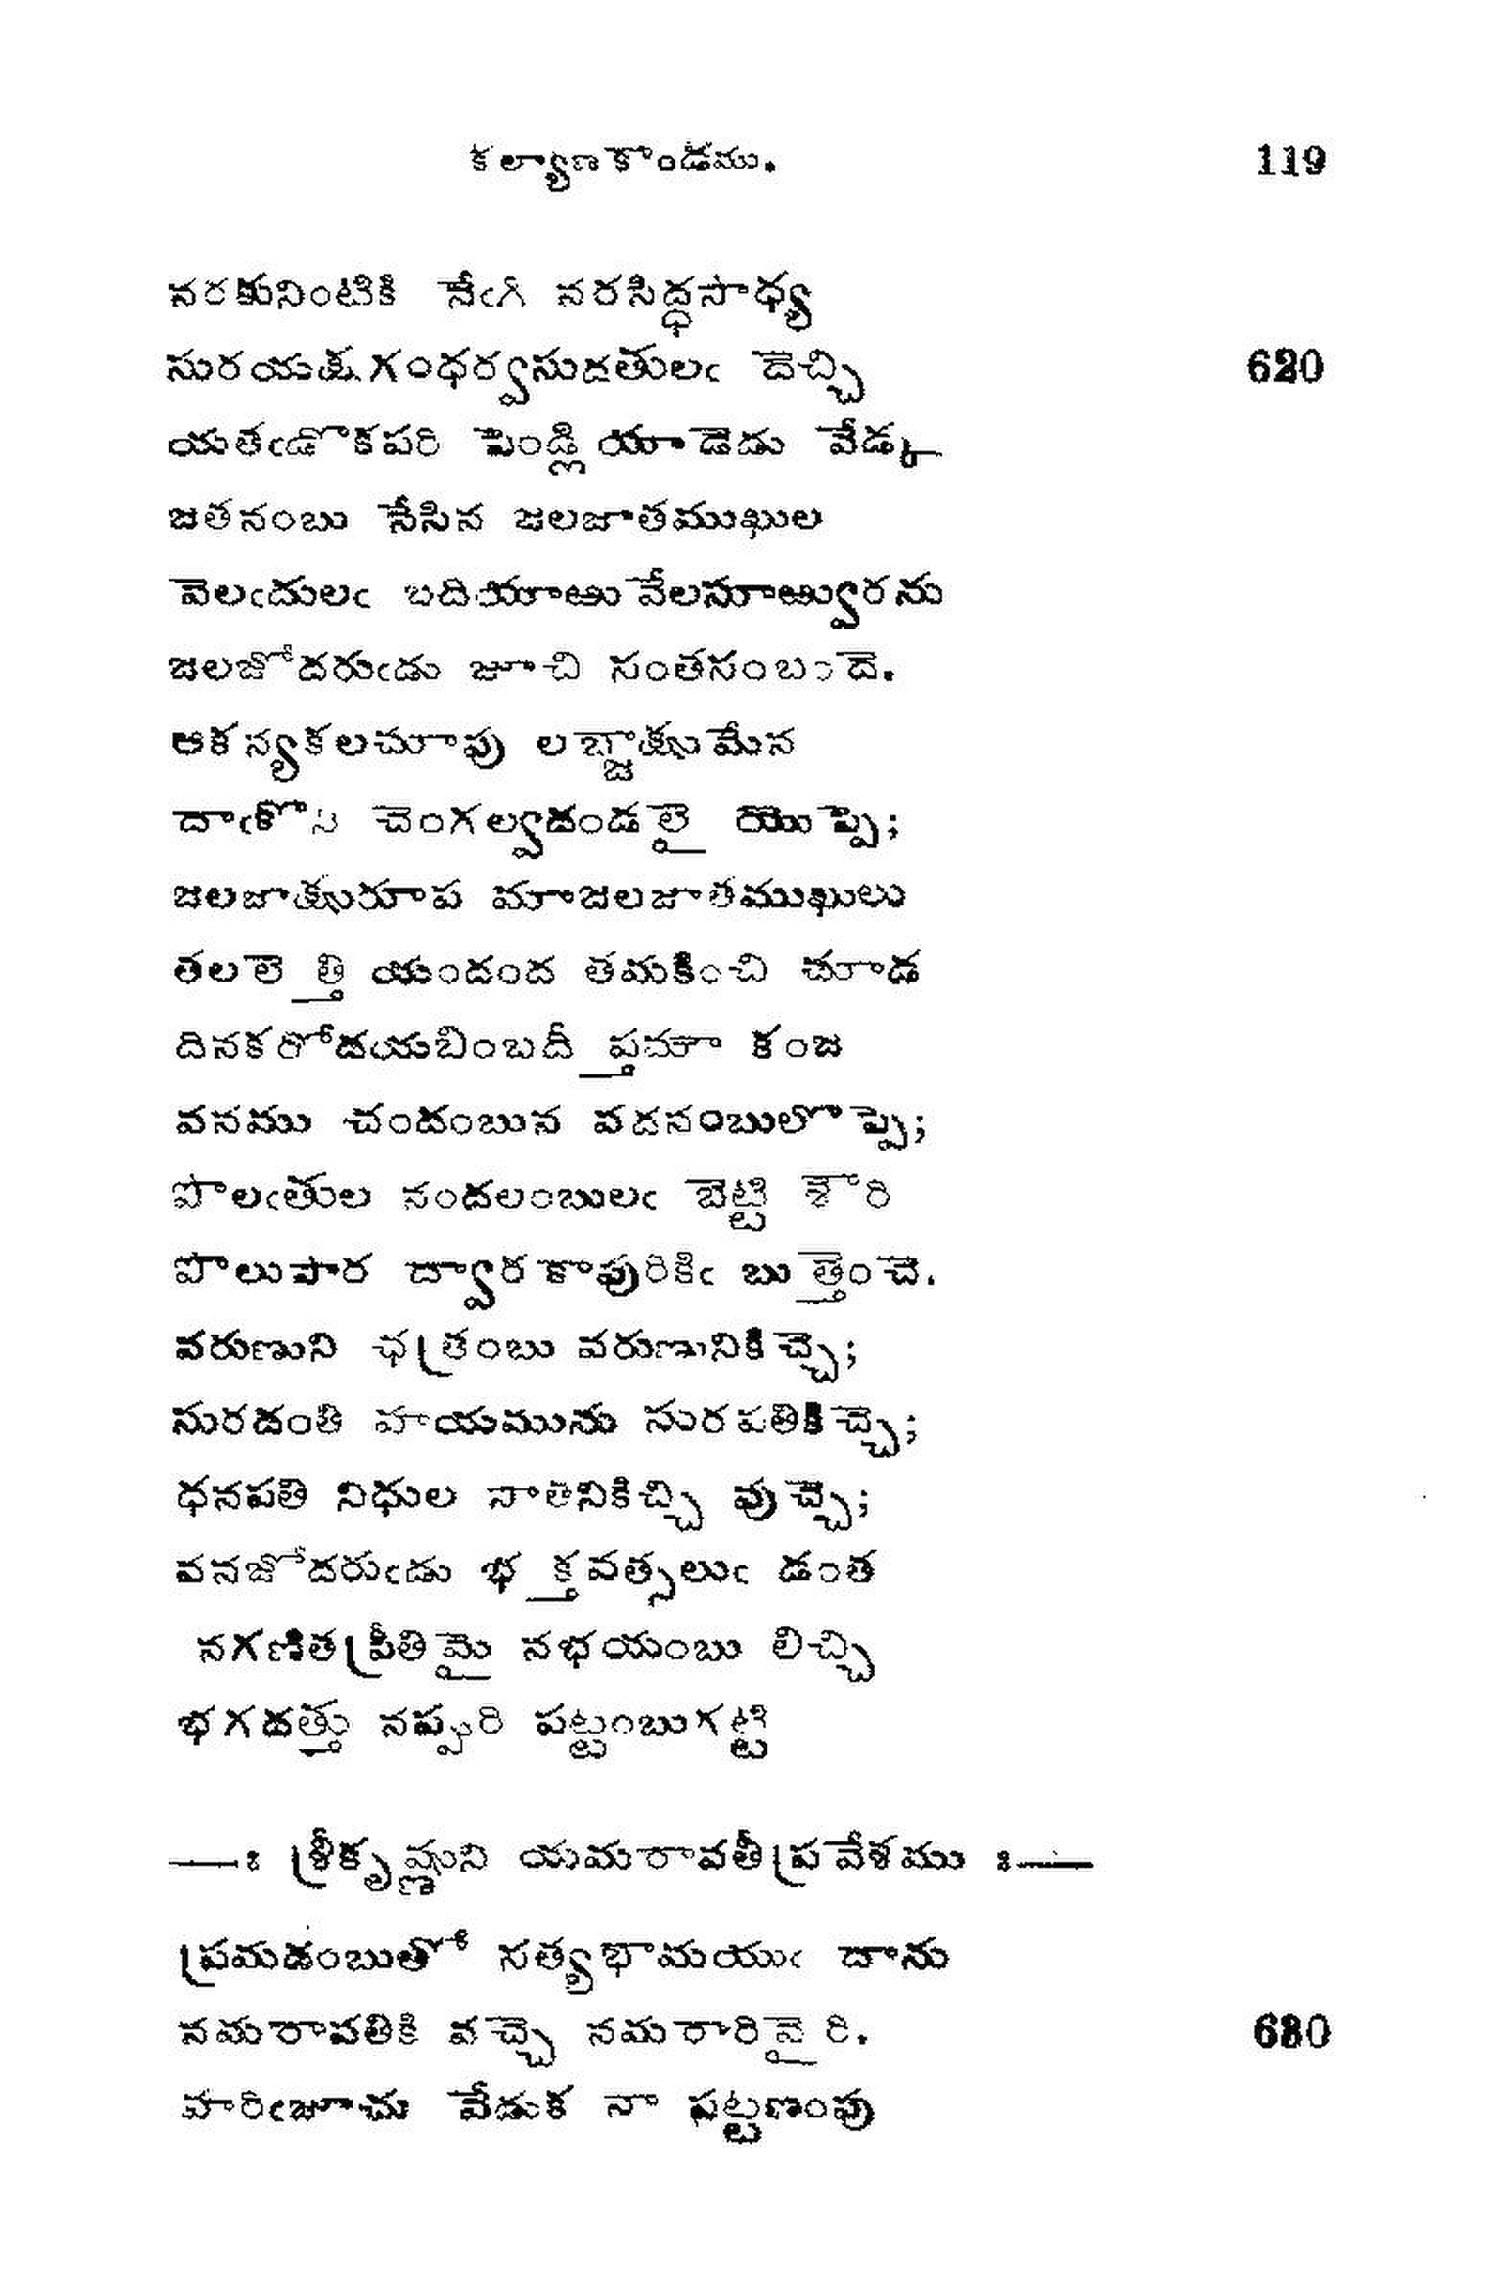నరకునింటికి నేఁగి నరసిద్ధసాధ్య
సుర యక్ష గంధర్వ సుదతులఁ దెచ్చి	620
యతఁడొకపరి పెండ్లియాడెడు వేడ్క
జతనంబు సేసిన జలజాతముఖుల
వెలఁదులఁ బదియాఱు వేలనూఱ్వురను
జలజోదరుఁడు జూచి సంతసంబందె. 
ఆకన్యకలచూపు లబ్జాక్షుమేన
దాఁకొని చెంగల్వదండలై యొప్పె; 
జలజాక్షురూప మా జలజాతముఖులు
తలలెత్తి యందంద తమకించి చూడ
దినకరోదయబింబ దీప్తమౌ కంజ
వనము చందంబున వదనంబులొప్పె; 
పొలఁతుల నందలంబులఁ బెట్టి శౌరి
పొలుపార ద్వారకాపురికిఁ బుత్తెంచె. 
వరుణుని ఛత్రంబు వరుణునికిచ్చె; 
సురదంతి హయమును సురపతికిచ్చె; 
ధనపతి నిధుల నాతనికిచ్చి వుచ్చె; 
వనజోదరుఁడు భక్తవత్సలుఁడంత
నగణితప్రీతిమై నభయంబులిచ్చి
భగదత్తు నప్పురి పట్టంబుగట్టి

ప్రమదంబుతో సత్యభామయుఁ దాను
నమరావతికి వచ్చె నమరారివైరి.
హరిఁజూచు వేడుక నా పట్టణంపు